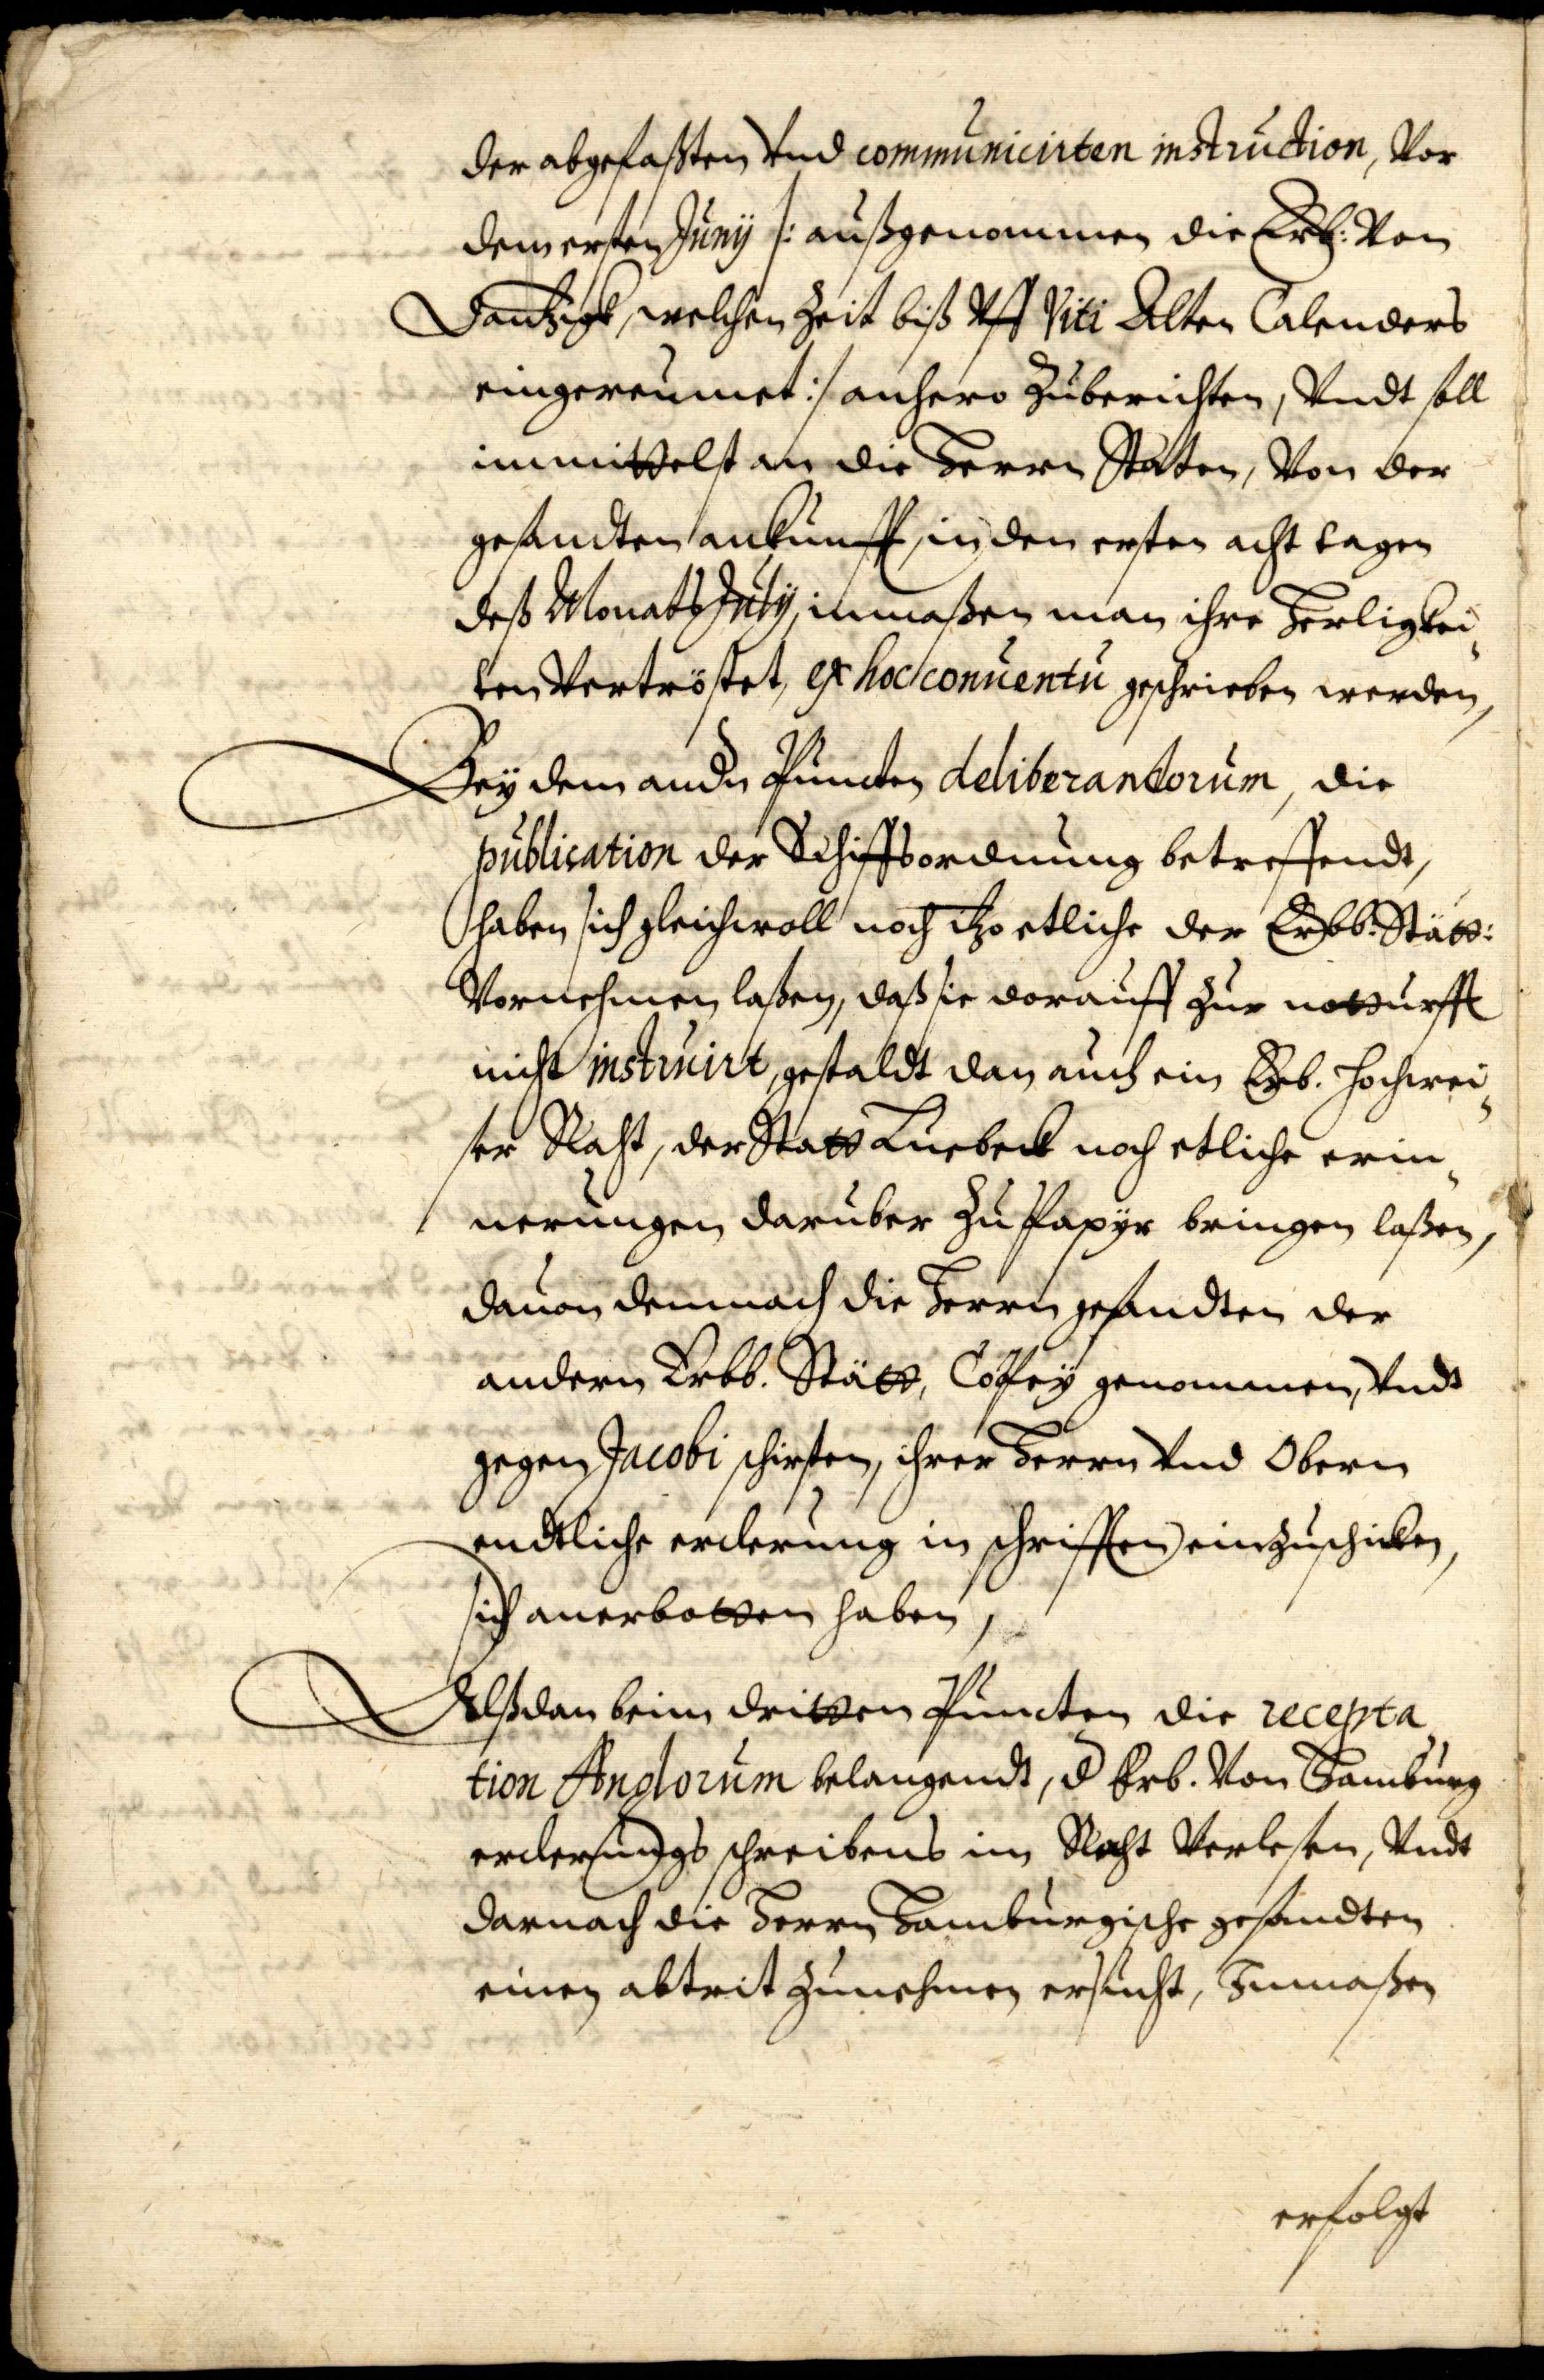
der abgefaßten Vnd communicirten instruction, Vor
dem ersten Junij |: außgenommen die Erb: Von
Dantzigk, welchen Zeit biß Vff Viti Alten Calenders
eingereümet :| anhero zuberichten, Vndt soll
immittelst an die Herrn Staten, Von der
gesandten ankunfft in den ersten acht tagen
deß Monats Julij, inmaßen man ihre herligkei¬
ten Vertröstet, ex hoc conuentu geschrieben werden,
Beij dem andern Puncten deliberandorum, die
publication der Schiffsordnung betreffendt,
haben sich gleichwoll noch itzo etliche der Erbb: Stätt:
Vornehmen laßen, daß sie darauff zur notturfft
nicht instruirt, gestaldt dan auch ein Erb. hochwei¬
ser Raht, der Statt Luebeck noch etliche erin¬
nerungen daruber zu Papijr bringen laßen,
dauon demnach die herrn gesandten der
andern Erbb. Stätt, Copeij genommen, Vndt
gegen Jacobi schirsten, ihrer herrn Vnd Obern
endtliche erclerung in schrifften einzuschicken,
sich anerbotten haben,
Alßdan beim dritten Puncten die recepta
tion Anglorum belangendt, den Erb. Von Hamburg
erclerungs schreibens im Raht Verlesen, Vndt
darnach die herrn Hamburgische gesandten
einen abtrit zunehmen ersucht, Inmaßen
erfolgt
